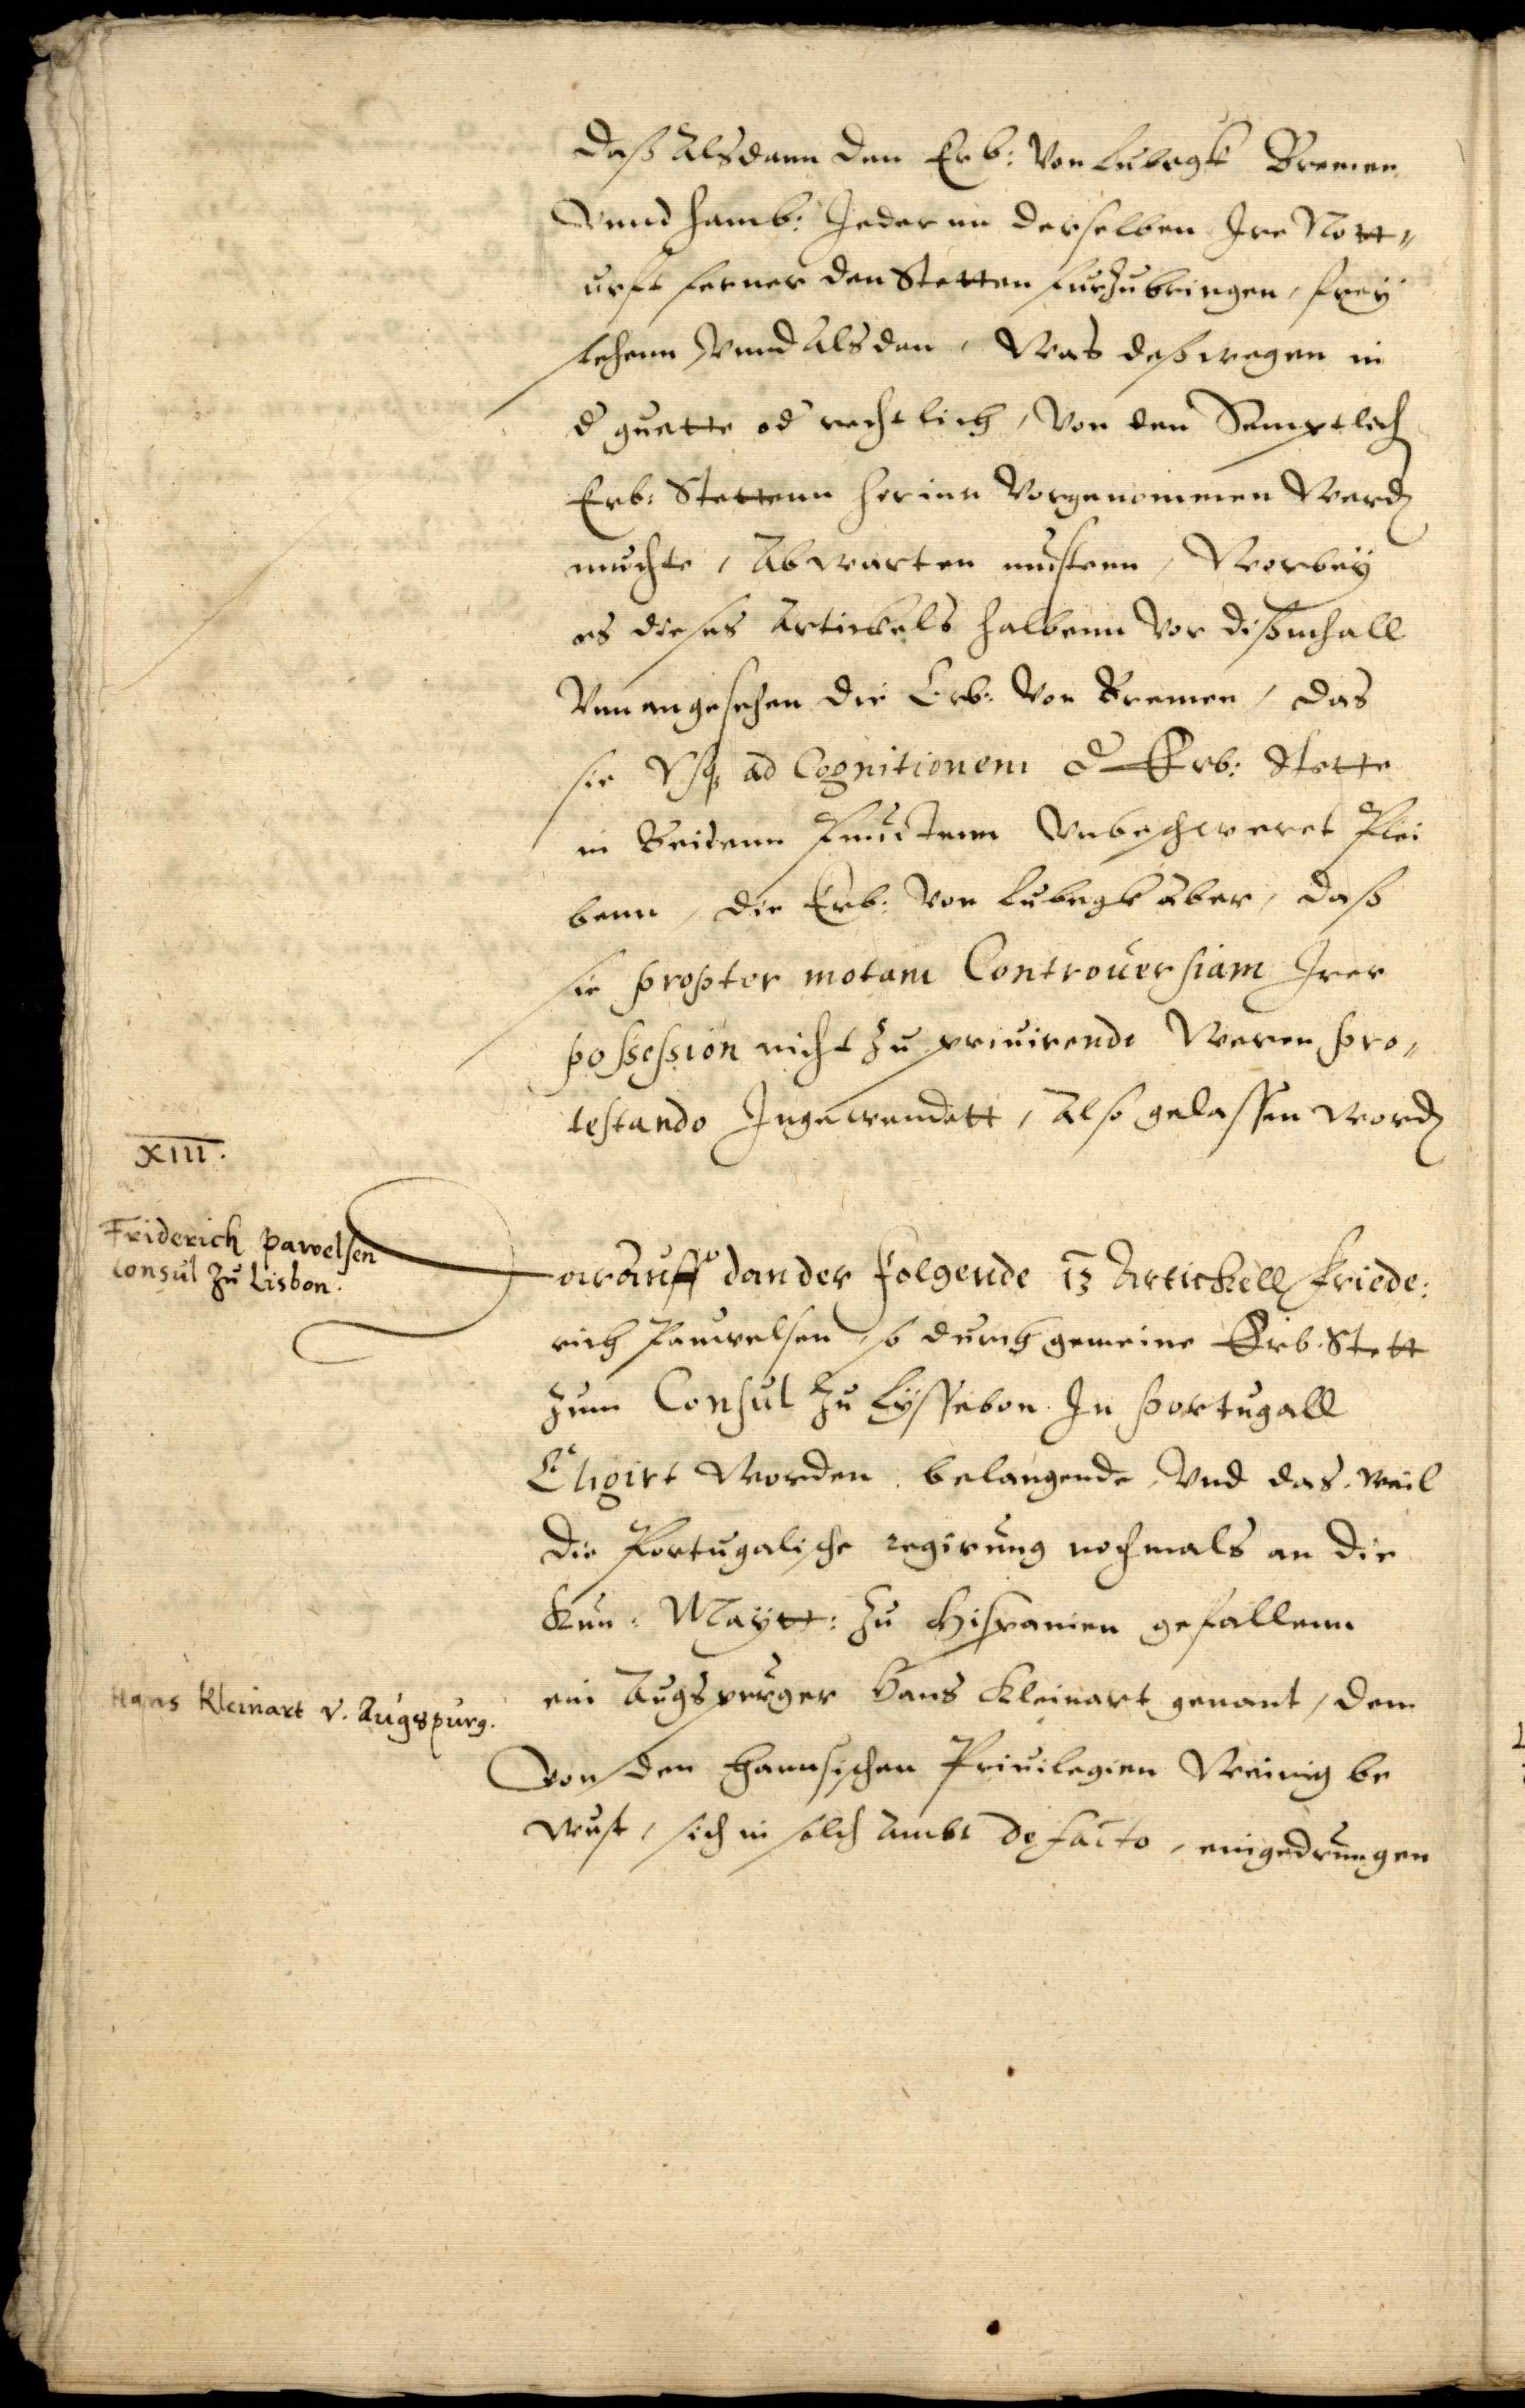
Daß Alsdann den Erb: Von Lubegk Bremen
vnnd Hamb: Jedernn derselben Ire Nott¬
urft ferner den Stetten furzubringen, freij
stehenn, Vnnd Alsdan, Was deßwegen in
der guette oder rechtlich, Von den Semptlichen
Erb. Stetten herinn Vorgenommen Werden
muchte, Abwarten mustenn, Worbeij
es dieses Artickels halbenn Vor dißmhall
Vnnangesehen die Erb. Von Bremen, das
sie Vsque ad Cognitionem der Erb: Stette
in Beidenn Punctenn Vnbeschweret Plei
benn, die Erb: Von Lubegk Aber, daß
sie propter motam Controuersiam Irer
possession nicht zu priuirende Weren pro¬
testando Ingewendett, Also gelassen worden
Darauff dan der Folgende 13 Artickell Friede¬
rich Pauwelsen, so durch gemeine Erb: Stett
zum Consul zu Lijssebon In Portugall
Eligirt worden, belangende, Vnd das weil
die Portugalische regirung nochmals an die
Kun: Maijtt: zu Hispanien gefallenn
ein Augspurger Hans Kleinart genant, dem
von den Hannsischen Priuilegien Weinig be
wust, sich in solch Ambt de facto, eingedrungen
XIII.
Friderich Pawelsen
Consul zu Lisbon.
Hans Kleinart v. Augspurg.
